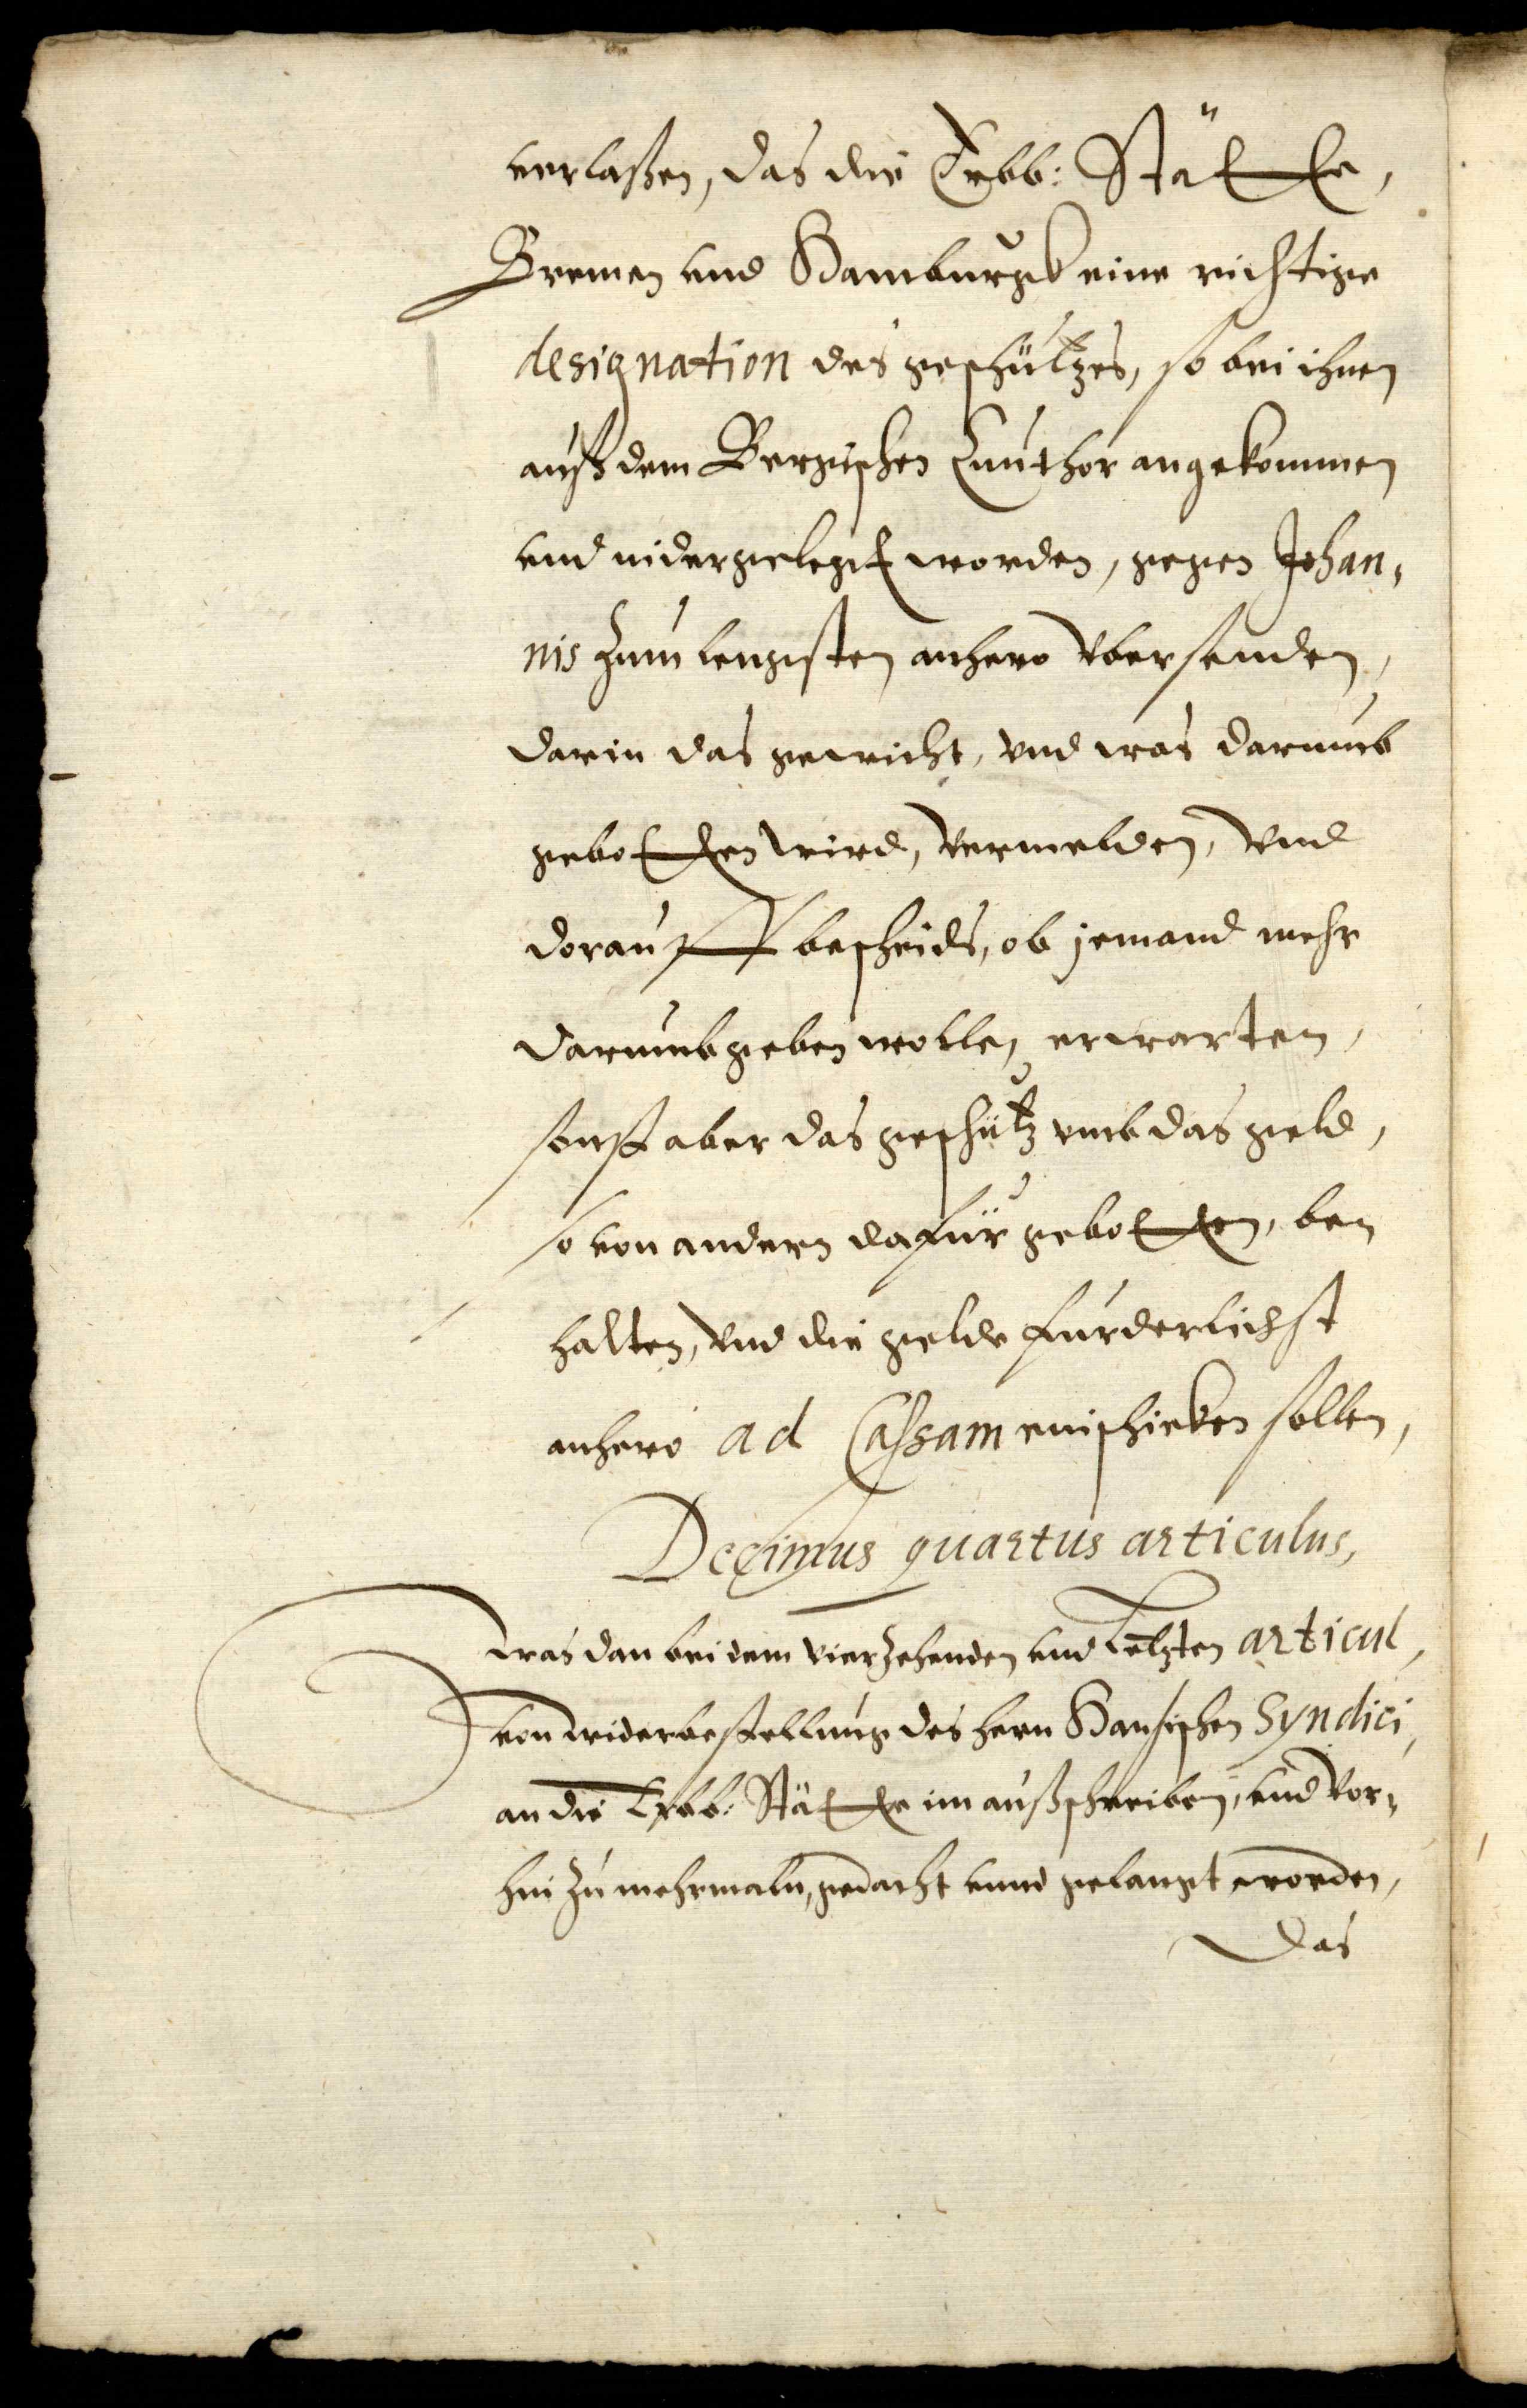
verlaßen, das die Erbb: Stätte,
Bremen vnd Hamburgk eine richtige
designation des geschützes, so bei ihnen
auß dem Bergischen Cunthor angekommen
vnd nidergelegt worden, gegen Iohan¬
nis Zum lengsten anhero Vbersenden,
darin das gewicht, vnd was darumb
gebotten wird, Vermelden, Vnd
dorauff bescheids, ob jemand mehr
darumb geben wolle, erwarten,
sonst aber das geschütz vmb das geld,
so von andern dafür gebotten, be¬
halten, Vnd die gelde furderlichst
anhero ad Cassam einschicken sollen,
Decimus quartus articulus,
Was dan bei dem vierzehenden vnd Letzten articul,
von widerbestellung des hern Hansischen Syndici,
an die Erbb: Stätte im außschreiben, vnd Vor¬
hin Zu mehrmaln, gedacht vnnd gelangt worden,
das
